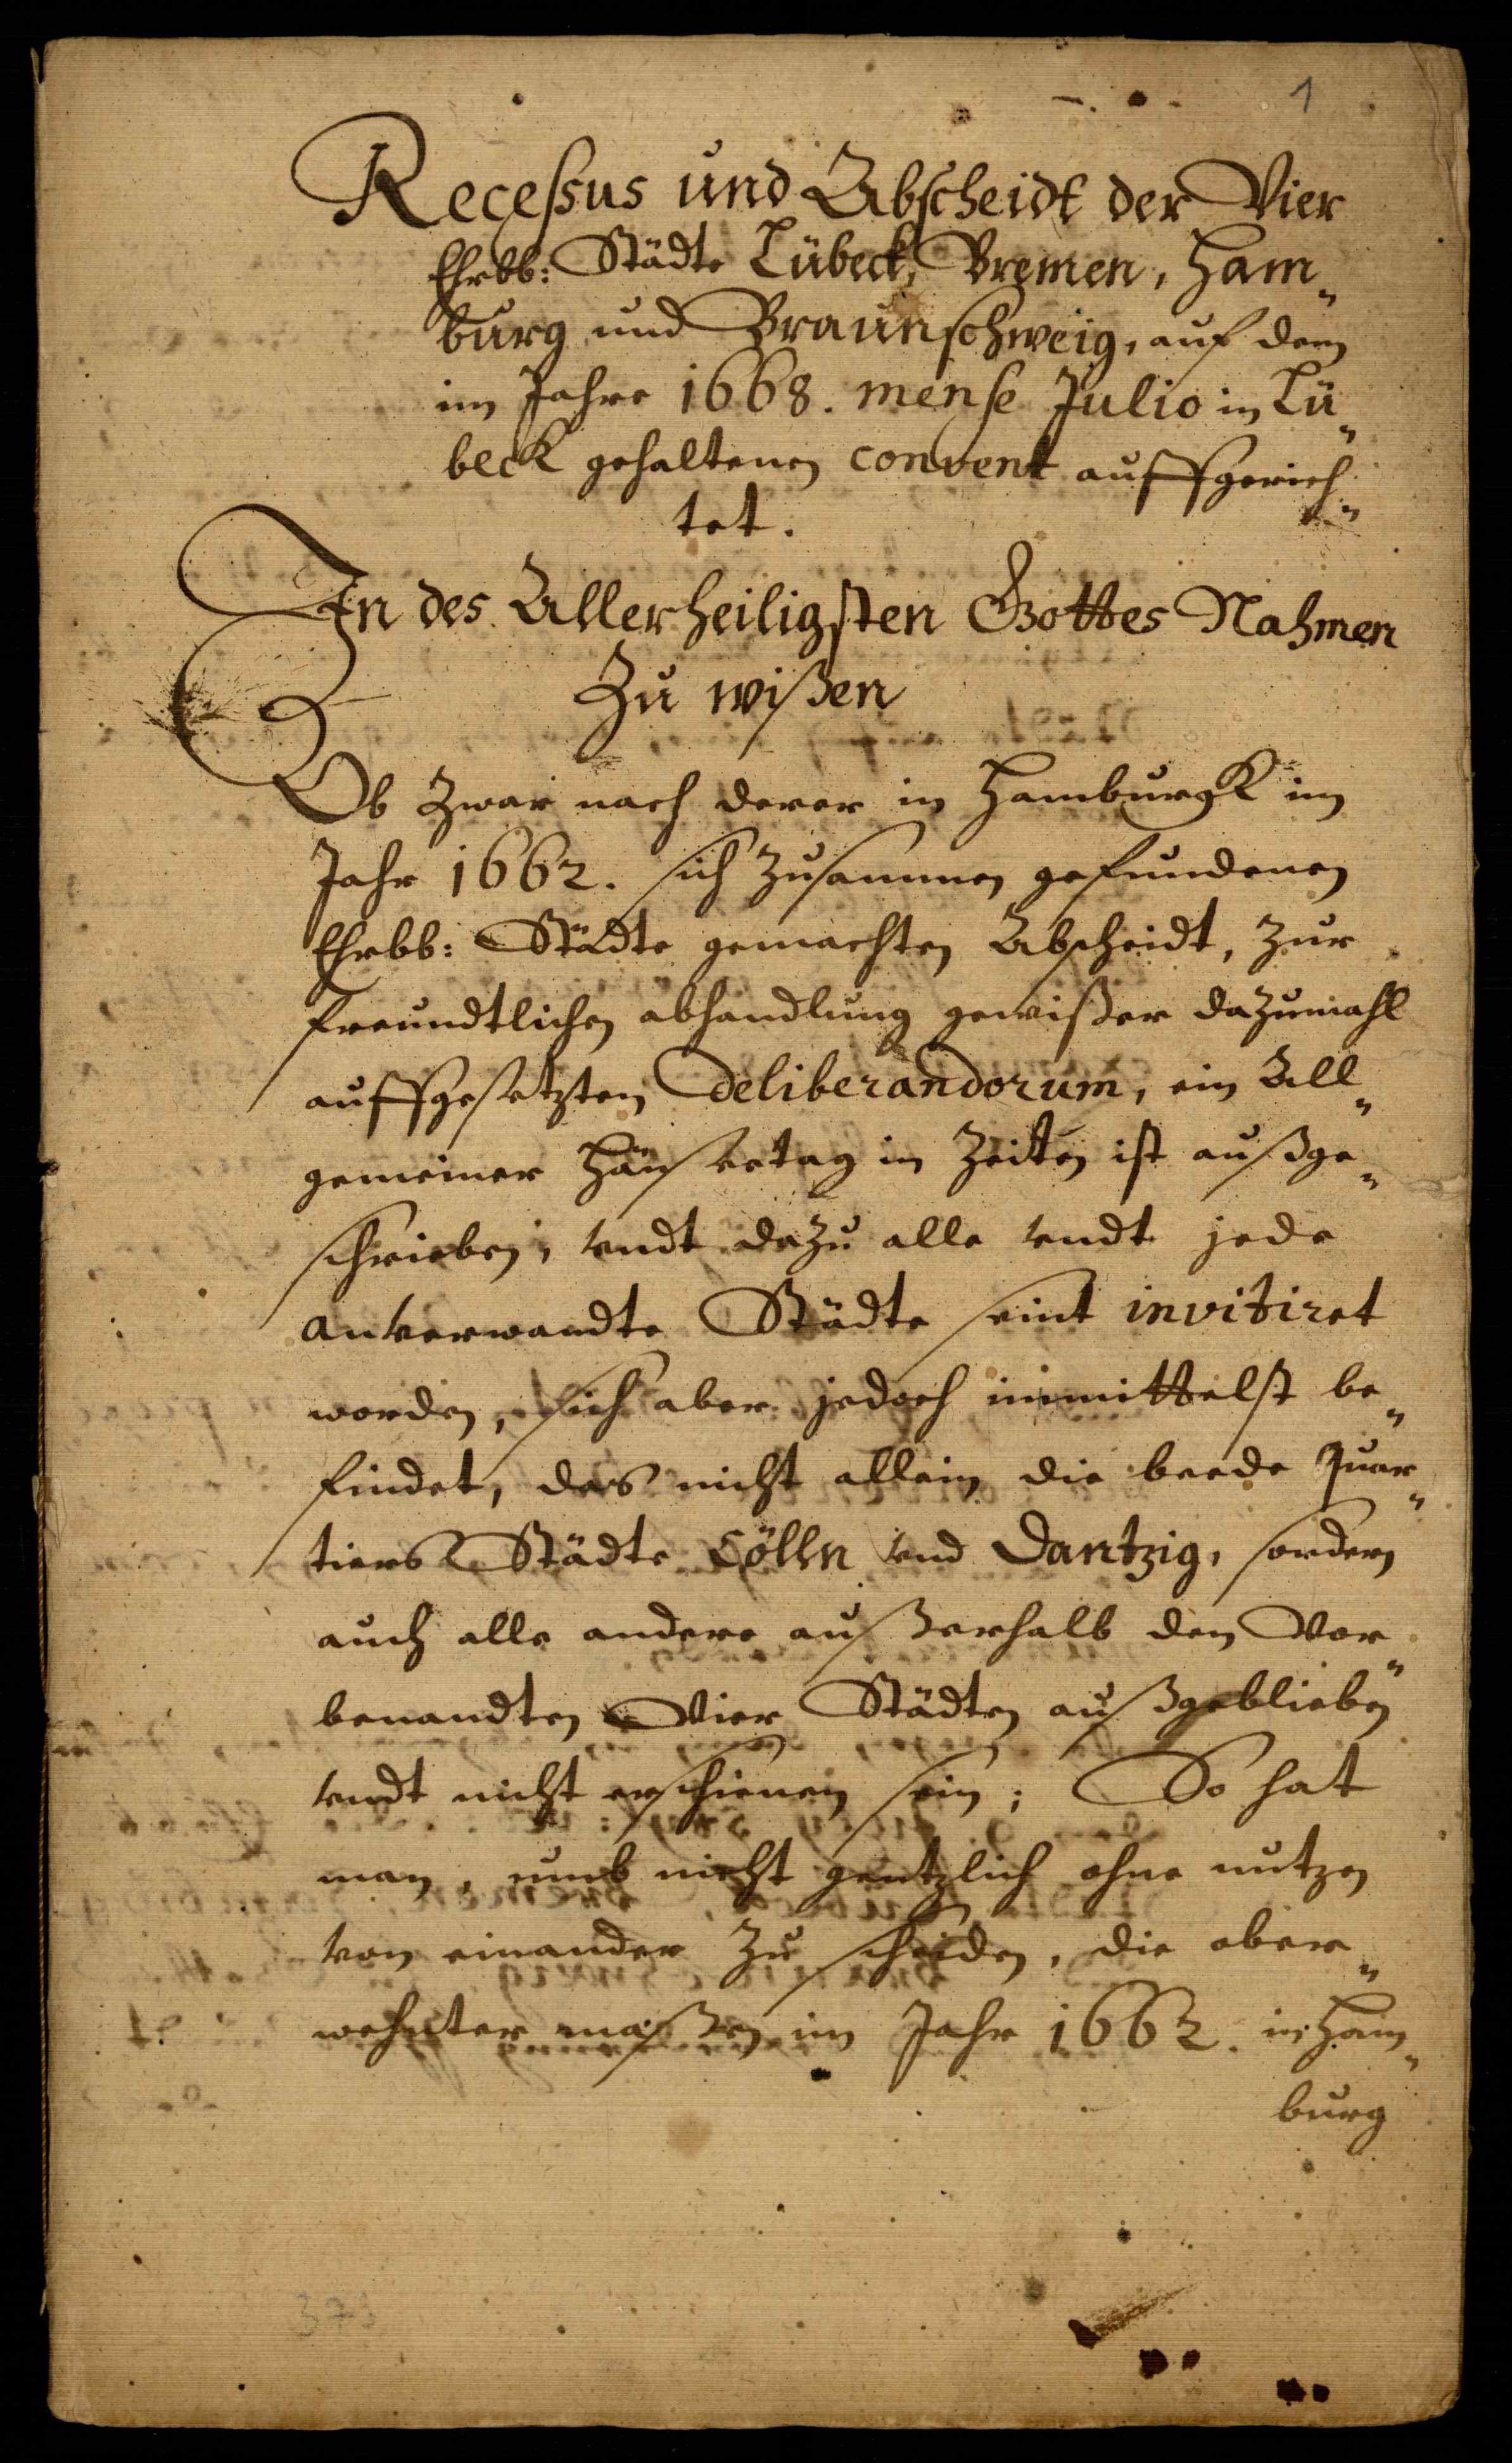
Recessus und Abscheidt der Vier
Ehrbb: Städte Lübeck, Bremen, Ham¬
burg und Braunschweig, auf dem
im Jahre 1668. mense Julio in Lü¬
beck gehaltenen convent auffgerich¬
tet.
In des Allerheiligsten Gottes Nahmen
zu wißen
Ob zwar nach derer in Hamburgk im
Jahr 1662. sich zusammen gefundenen
Ehrbb: Städte gemachten Abscheidt, zur
freundtlichen abhandlung gewißer dazumahl
auffgesetzten deliberandorum, ein All¬
gemeiner Hänseetag in Zeiten ist außge¬
schrieben, vndt dazu alle vndt jede
anverwandte Städte seint invitiret
worden, sich aber jedoch immittelst be¬
findet, das nicht allein die beede quar¬
tiers Städte Cölln vnd Dantzig, sordern
auch alle andere außerhalb den Vor¬
benandten vier Städten außgeblieben
vndt nicht erschienen sein; So hat
man, umb nicht gentzlich ohne nutzen
von einander zu scheiden, die ober¬
wehnter maßen im Iahr 1662. in Ham¬
burg
